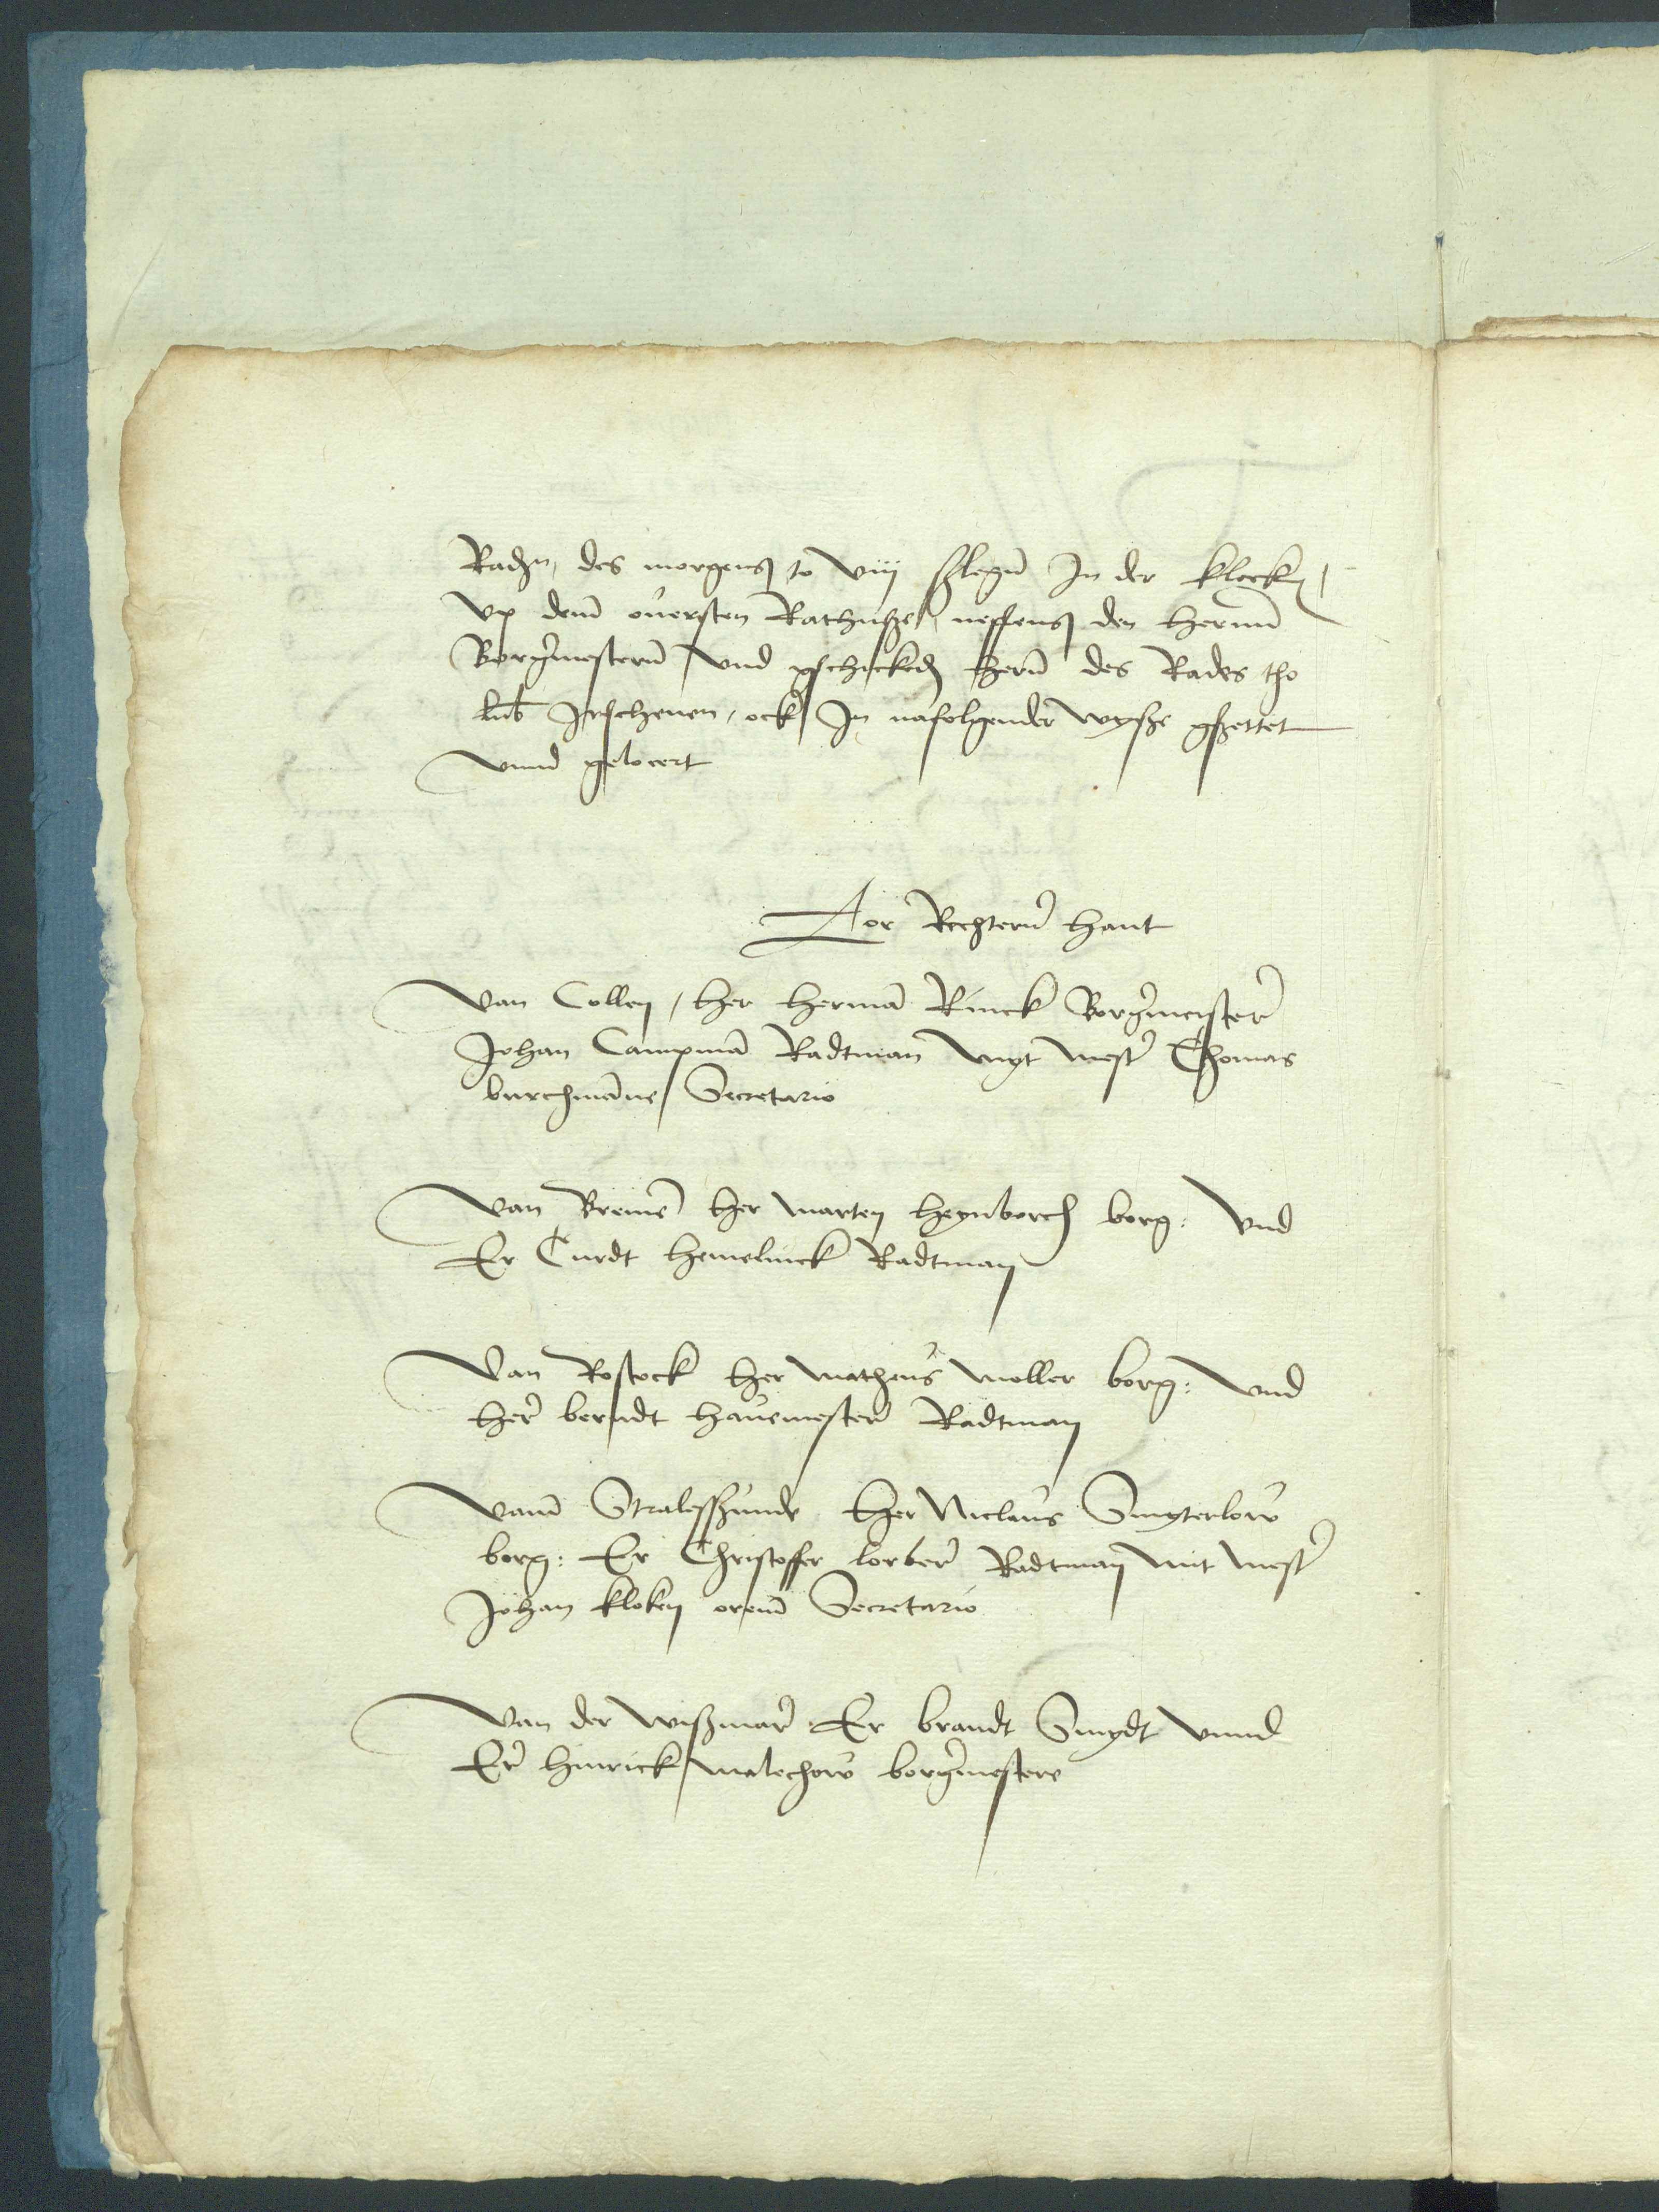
Radessendebaden, des morgens to viij ßlegen Jn de klocken,
vp dem ouersten Rathuße neffens den hernn
Borgermestern vnd geschickeden hernn des Rades tho
Lubeck Jrschenen, ock Jn nafolgender wyße gßettet
vnnd gelocert
Tor Rechtern hant
Van Collen her herman Rinck Borgermester
Johan Campman Radtman myt mester Thomas
burchmanne Secretario
Van Bremen her martin heynborch borgermester vnd
Er Curdt hemelinck Radtman
Van Rostock her matheus moller borgermester vnd
her berndt hauemester Radtman
Vann Stralesszunde her Niclaus Smyterlow
borgermester Er Christoffer lorber Radtman mit mester
Johan kloken orem Secretario
Van de wißmar Er brandt Smydt vnnd
Er hinrick malechow borgermestere
